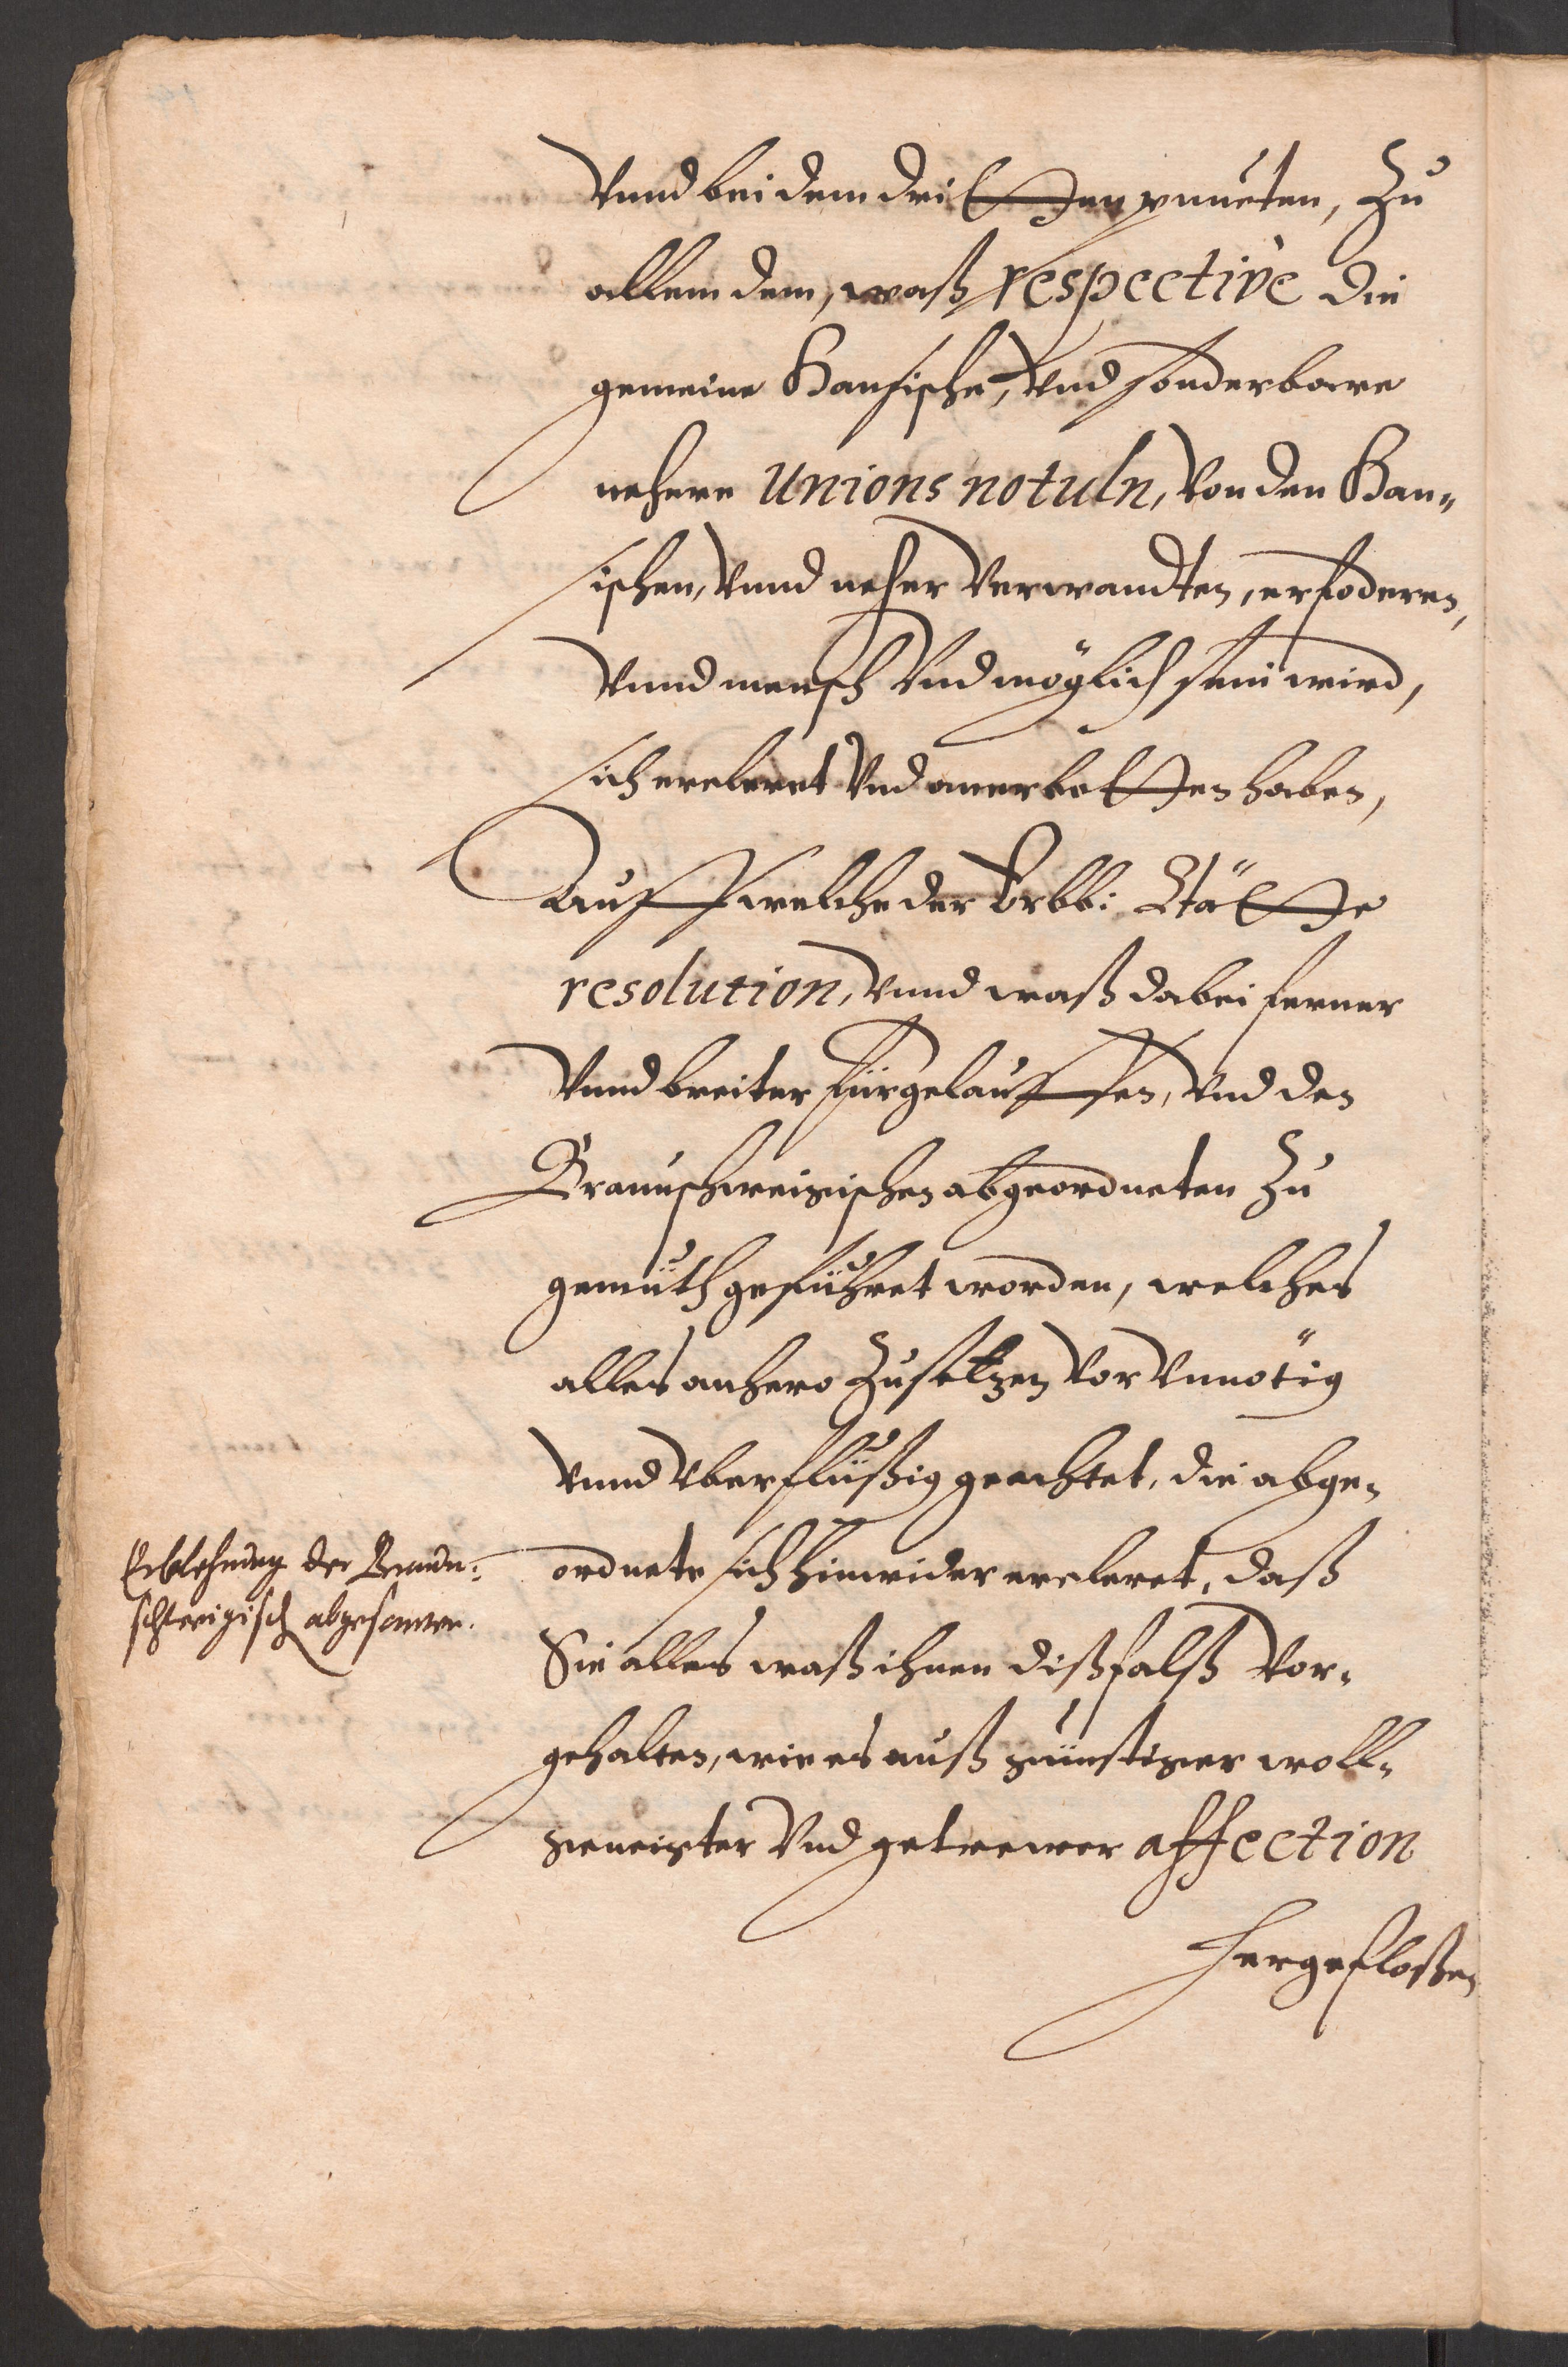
vnd bei dem dritten puncten, zu
allem dem, waß respective die
gemeine Hansische, vnd sonderbare
nehere unions notuln, von den Han¬
sischen, vnnd neher verwandten, erfoderen,
vnnd mensch vnd möglich sein wird,
sich ercleret vnd anerbotten haben,
Auff welche der Erbb: Stätte
resolution, vnnd waß dabei ferner
vnnd breiter fürgelauffen, vnd den
Braunschweigischen abgeordneten zu
gemüth geführet worden, welches
alles anhero zusetzen vor vnnötig
vnd vberflüßig geachtet, die abge¬
ordnete sich hinwider ercleret, daß
Sie alles waß ihnen dißfalß vor¬
gehalten, wie es auß günstiger woll¬
geneigter vnd getrewer affection
hergefloßen
Erklehnung der Braun¬
schwigischen abgesanten.
